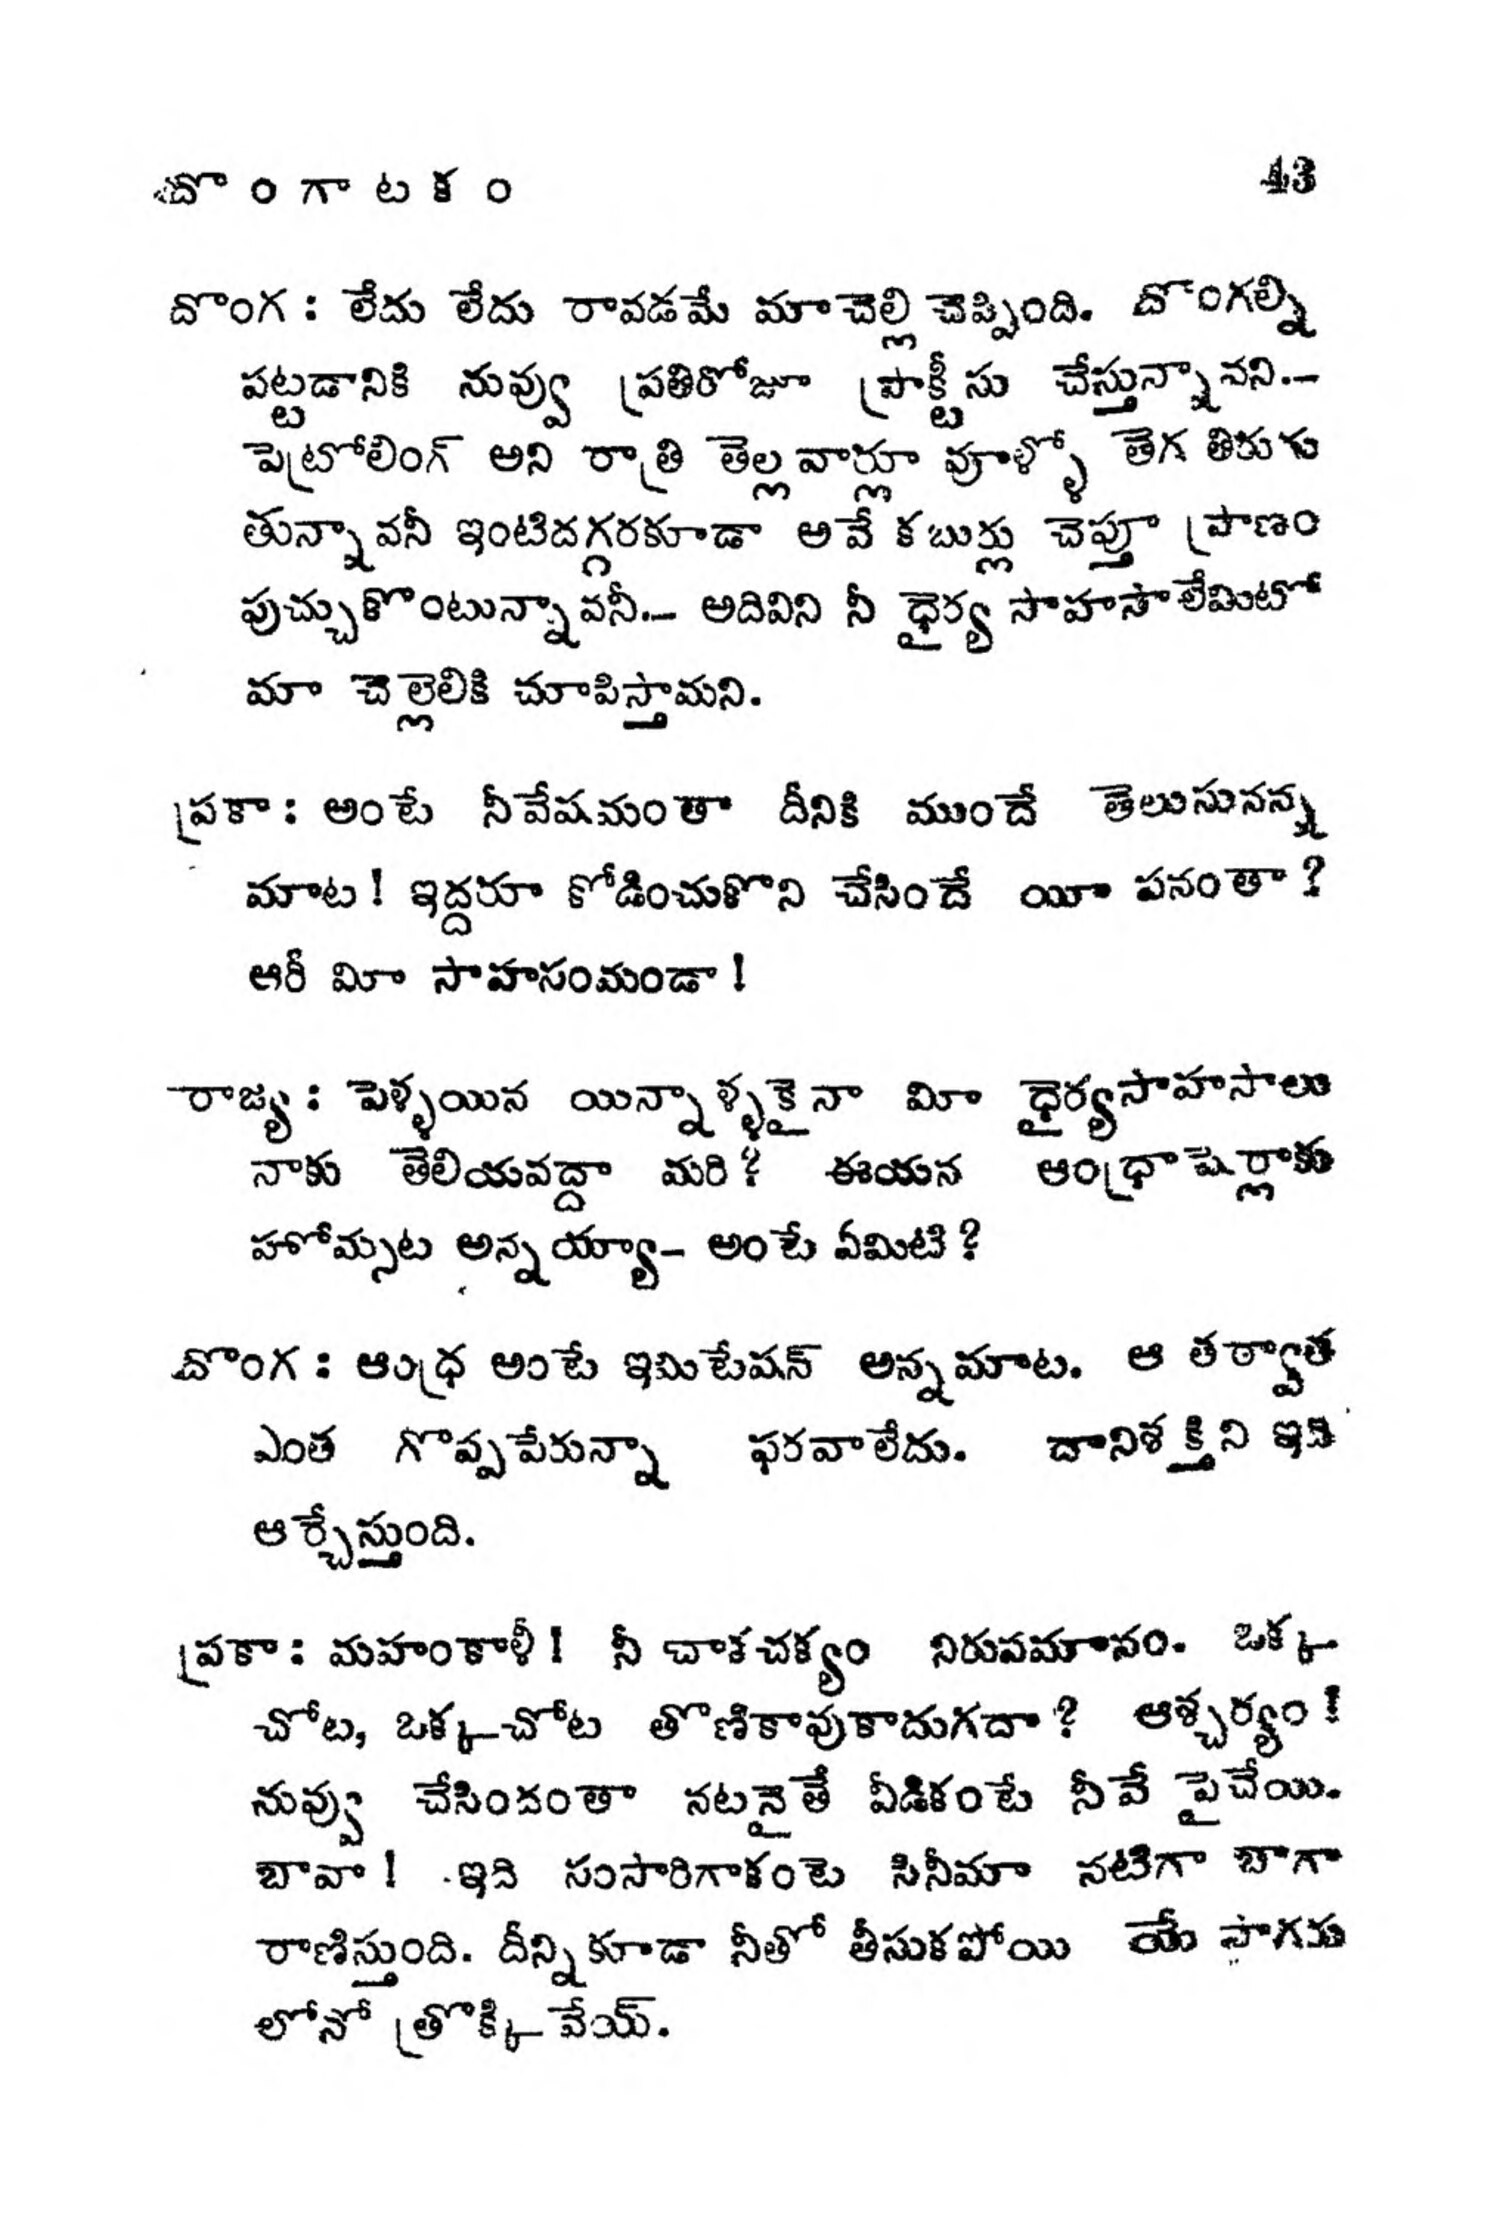దొంగ : లేదు లేదు రావడమే మా చెల్లి చెప్పింది. దొంగల్ని పట్టడానికి నువ్వు ప్రతిరోజూ ప్రాక్టీసు చేస్తున్నావని.-
పెట్రోలింగ్ అని రాత్రి తెల్లవార్లూ వూళ్ళో తెగ తిరుగుతున్నావనీ ఇంటిదగ్గరకూడా అవే కబుర్లు చెప్తూ ప్రాణం
పుచ్చుకొంటున్నావనీ. - అదివిని నీ ధైర్య సాహసాలేమిటో మా చెల్లెలికి చూపిస్తామని.

ప్రకా : అంటే నీవేషమంతా దీనికి ముందే తెలుసునన్న మాట! ఇద్దరూ కోడించుకొని చేసిందే యీ పనంతా ? ఆరీ మీ సాహసంమండా!

రాజ్య : పెళ్ళయిన యిన్నాళ్ళకైనా మీ ధైర్యసాహసాలు నాకు తెలియవద్దా మరి ? ఈయన ఆంధ్రాషెర్లాకు హోమ్సట అన్నయ్యా – అంటే ఏమిటి?

దొంగ : ఆంధ్ర అంటే ఇమిటేషన్ అన్నమాట. ఆ తర్వాత ఎంత గొప్పపేరున్నా ఫరవాలేదు. దానిశక్తిని ఇది ఆర్చేస్తుంది.

ప్రకా : మహంకాళీ ! నీ చాకచక్యం నిరుపమానం. ఒక్కచోట, ఒక్కచోట తొణికావుకాదుగదా ? ఆశ్చర్యం! నువ్వు చేసిందంతా నటనైతే వీడికంటే నీవే పైచేయి. బావా ! . ఇది సంసారిగాకంటె సినీమా నటిగా బాగా రాణిస్తుంది. దీన్నికూడా నీతో తీసుకుపోయి యే సాగరులోనో త్రొక్కి వేయ్.